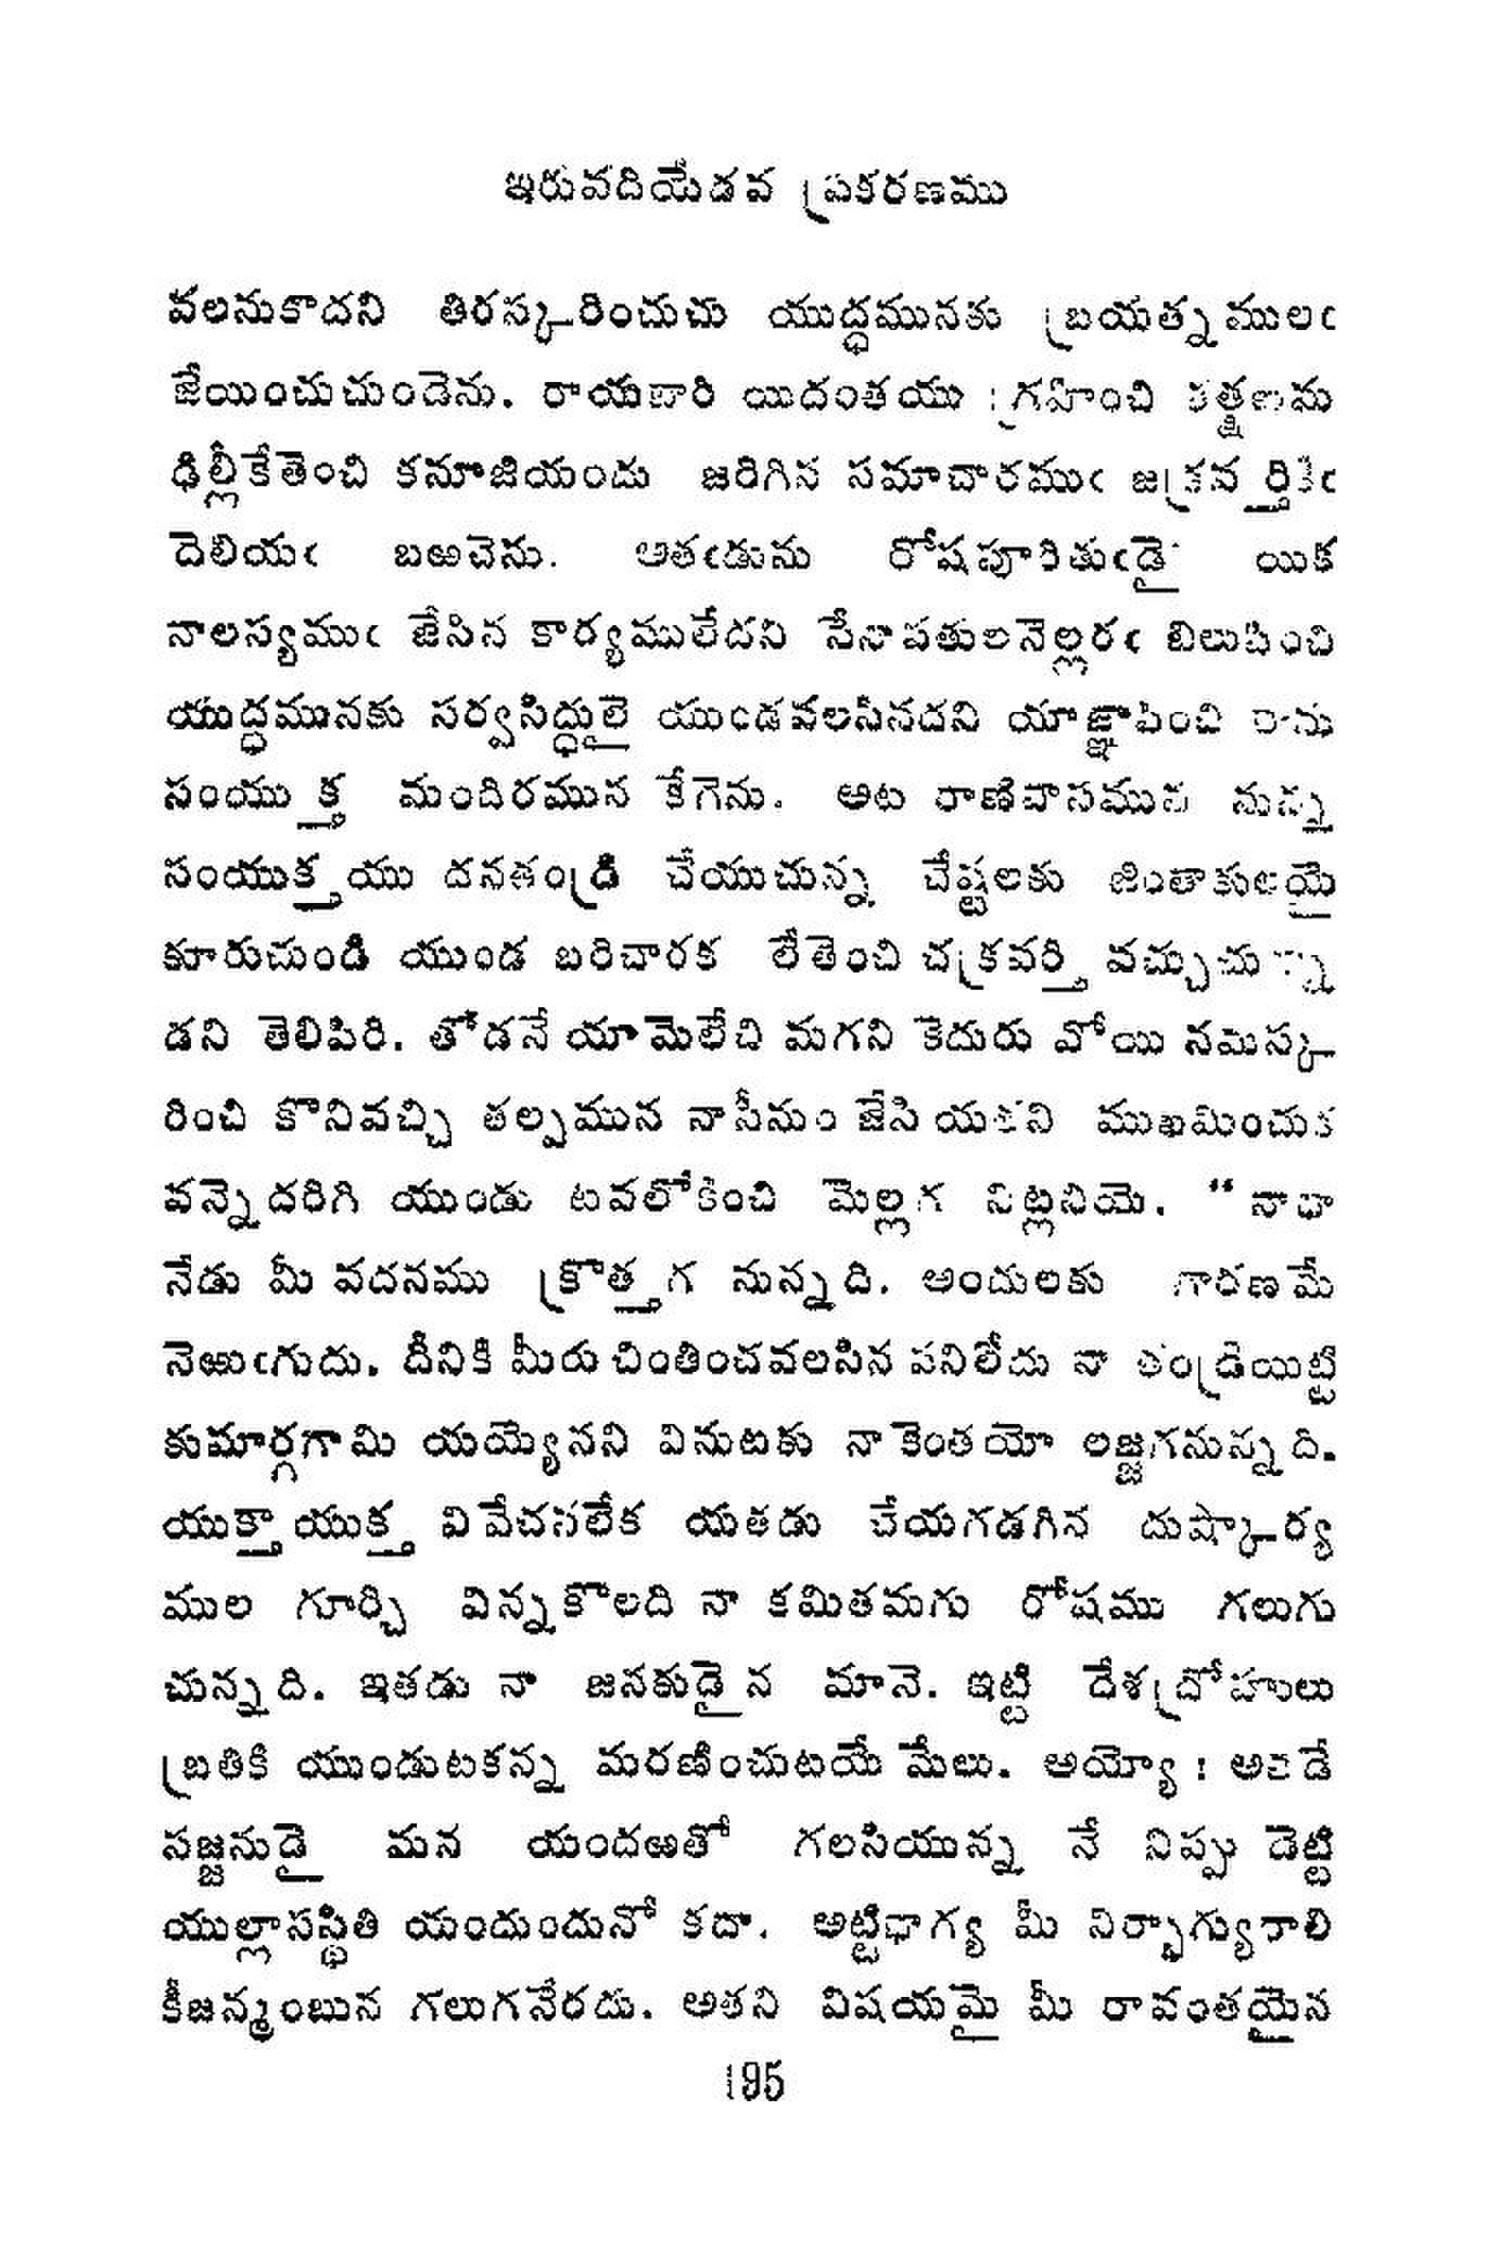వలనుకాదని తిరస్కరించుచు యుద్ధమునకు బ్రయత్నములఁ జేయించుచుండెను. రాయబారి యిదంతయు గ్రహించి తత్క్షణము ఢిల్లీకేతెంచి కనూజియందు జరిగిన సమాచారముఁ జక్రవర్తికిఁ దెలియఁ బఱచెను. అతఁడును రోషపూరితుఁడై యిక నాలస్యముఁ జేసిన కార్యములేదని సేనాపతులనెల్లరఁ బిలుపించి యుద్ధమునకు సర్వసిద్ధులై యుండవలసినదని యాజ్ఞాపించి తాను సంయుక్త మందిరమున కేగెను. అట రాణివాసమున నున్న సంయుక్త యు దనతండ్రి చేయుచున్న చేష్టలకు జింతాకులయై కూరుచుండి యుండ బరిచారక లేతెంచి చక్రవర్తి వచ్చున్నాడని తెలిపిరి. తోడనే యామెలేచి మగని కెదురు వోయి నమస్కరించి కొనివచ్చి తల్పమున నాసీనుం జేసి యతని ముఖమించుక వన్నె దరిగి యుండు టవలోకించి మెల్లగా నిట్లనియె. " నాథా నేడు మీ వదనము క్రొత్తగ నున్నది. అందులకు గారణమే నెఱుఁగుదు. దీనికి మీరు చింతించవలసిన పనిలేదు నా తండ్రియిట్టి కుమార్గగామి యయ్యేనని వినుటకు నా కెంతయో లజ్జగనున్నది. యుక్తా యుక్త వివేచనలేక యతడు చేయగడగిన దుష్కార్య ముల గూర్చి విన్నకొలది నా కమితమగు రోషము గలుగుచున్నది. ఇతడు నా జనకుడైన మానె. ఇట్టి దేశద్రోహులు బ్రతికి యుండుటకన్న మరణించుటయే మేలు. అయ్యో ! అతడే సజ్జనుడై మన యందఱతో గలసియున్న నే నిప్పు డెట్టి యుల్లాసస్థితి యందుందునో కదా. అట్టిభాగ్య మీ నిర్భాగ్యురాలి కీజన్మంబున గలుగనేరదు. అతని విషయమై మీ రావంతయైన